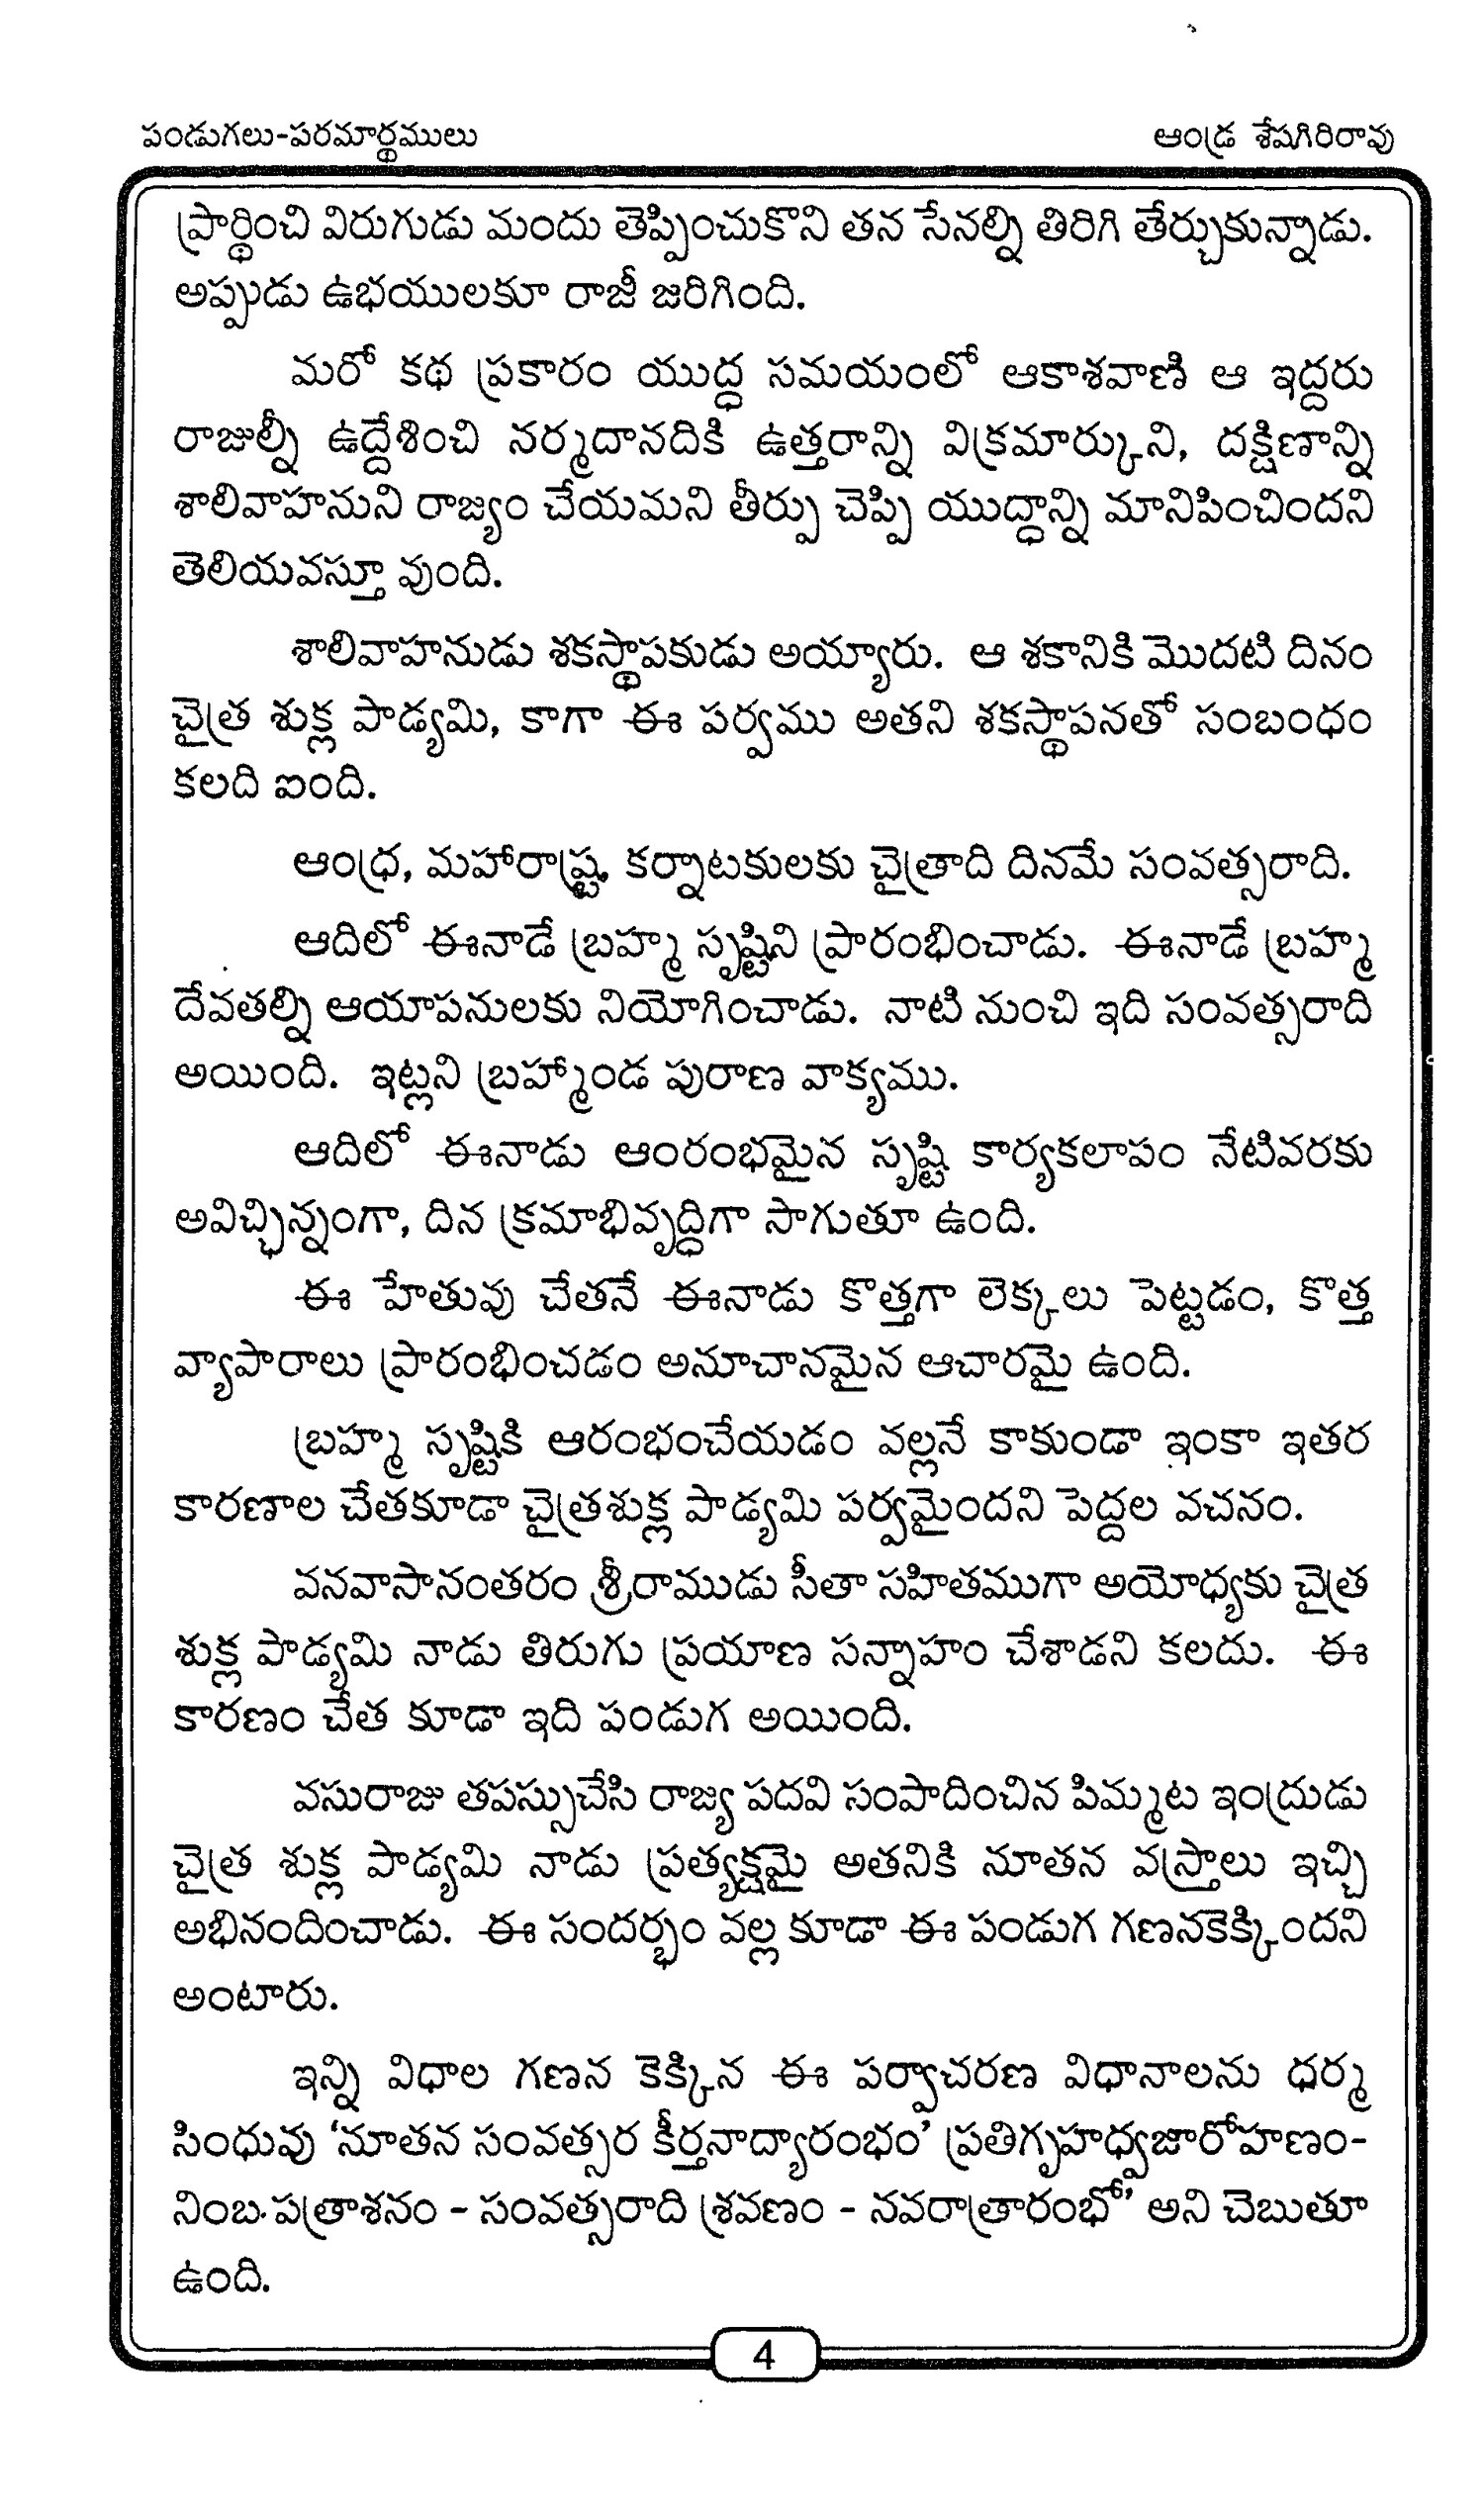ప్రార్ధించి విరుగుడు మందు తెప్పించుకొని తన సేవల్ని తిరిగి తేర్చుకున్నాడు. అప్పుడు ఉభయులకూ రాజీ జరిగింది.
 మరో కధ ప్రకారం యుద్ధ సమయంలో ఆకాశవాణి ఆ ఇద్దరు రాజుల్నీ ఉద్దేశీంచి నర్మదానదికి ఉత్తరాన్ని విక్రమార్కుని, దక్షిణాన్ని శాలివాహనుని రాజ్యం చేయమని తీర్పు చెప్పి యుద్ధాన్ని మానిపించిందని తెలియవస్తూ వుంది.
 శాలివాహనుడు శకస్థాపకుదు అయ్యారు. ఆ శకానికి మొదటి దినం చైత్ర శుక్ల పాడ్యమి, కాగా ఈ పర్వము అతని శకస్థాపనతో సంబంధం కలది ఐంది.
 ఆంధ్ర, మహారాష్ట్ర, కర్నాటకులకు చైత్రాది దినమే సంవత్సరాది.
 ఆదిలో ఈనాడే బ్రహ్మ సృష్టిని ప్రారంభించాడు. ఈనాడే బ్రహ్మ దేవతల్ని ఆయాపనులకు నియోగించాడు. నాటి నుంచి ఇది సంవత్సరాది అయింది. ఇట్లని బ్రహ్మాండ పురాణ వాక్యము.
 ఆదిలో ఈనాడు ఆంరంభమైన సృష్టి కార్యకలాపం నేటివరకు అవిచ్చిన్నంగా, దినక్రమాభివృద్దిగా సాగుతూ ఉంది.
 ఈ హేతువు చేతనే ఈనాడు కొత్తగా లెక్కలు పెట్టడం, కొత్త వ్యాపారాలు ప్రారంభించడం అనూచానమైన ఆచారమై ఉంది.
 బ్రహ్మ సృష్టికి ఆరంభంచేయడం వల్లనే కాకుండా ఇంకా ఇతర కారణాల చేతకూడా చైత్రశుక్ల పాడ్యమి పర్వమైందని పెద్దల వచనం.
 వనవాసానంతరం శ్రీరాండు సీతాసహితముగా అయోధ్యకు చైత్ర శుక్ల పాఢ్యమి నాడు తిరుగు ప్రయాణ సన్నాహం చేశాడని కలదు. ఈ కారణం చేత కూడా ఇది పండుగ అయింది.
 వసురాజు తపస్సుచేసి రాజ్యపదవి సంపాదించిన పిమ్మట ఇంద్రుడు చైత్ర శుకిల పాఢ్యమి నాడు ప్రత్యక్షమై అతనికి నూతన వస్త్రాలు ఇచ్చి అభినందించాడు. ఈ సందర్బం వల్ల కూడా ఈ పండుగ గణనకెక్కిందని అంటారు.
 ఇన్ని విధాల గణన కెక్కిన ఈ పర్యాచరణ విధానాలను ధర్మ సింధువు 'నూతన సంవత్సర కీర్తనాద్యరంభం ప్రతిగృహధ్వజారోహణం - నింబ పత్రాశనం - సంవత్సరాది శ్రవణం - నవరాత్రూరంభో అని చెబుతూ ఉంది.